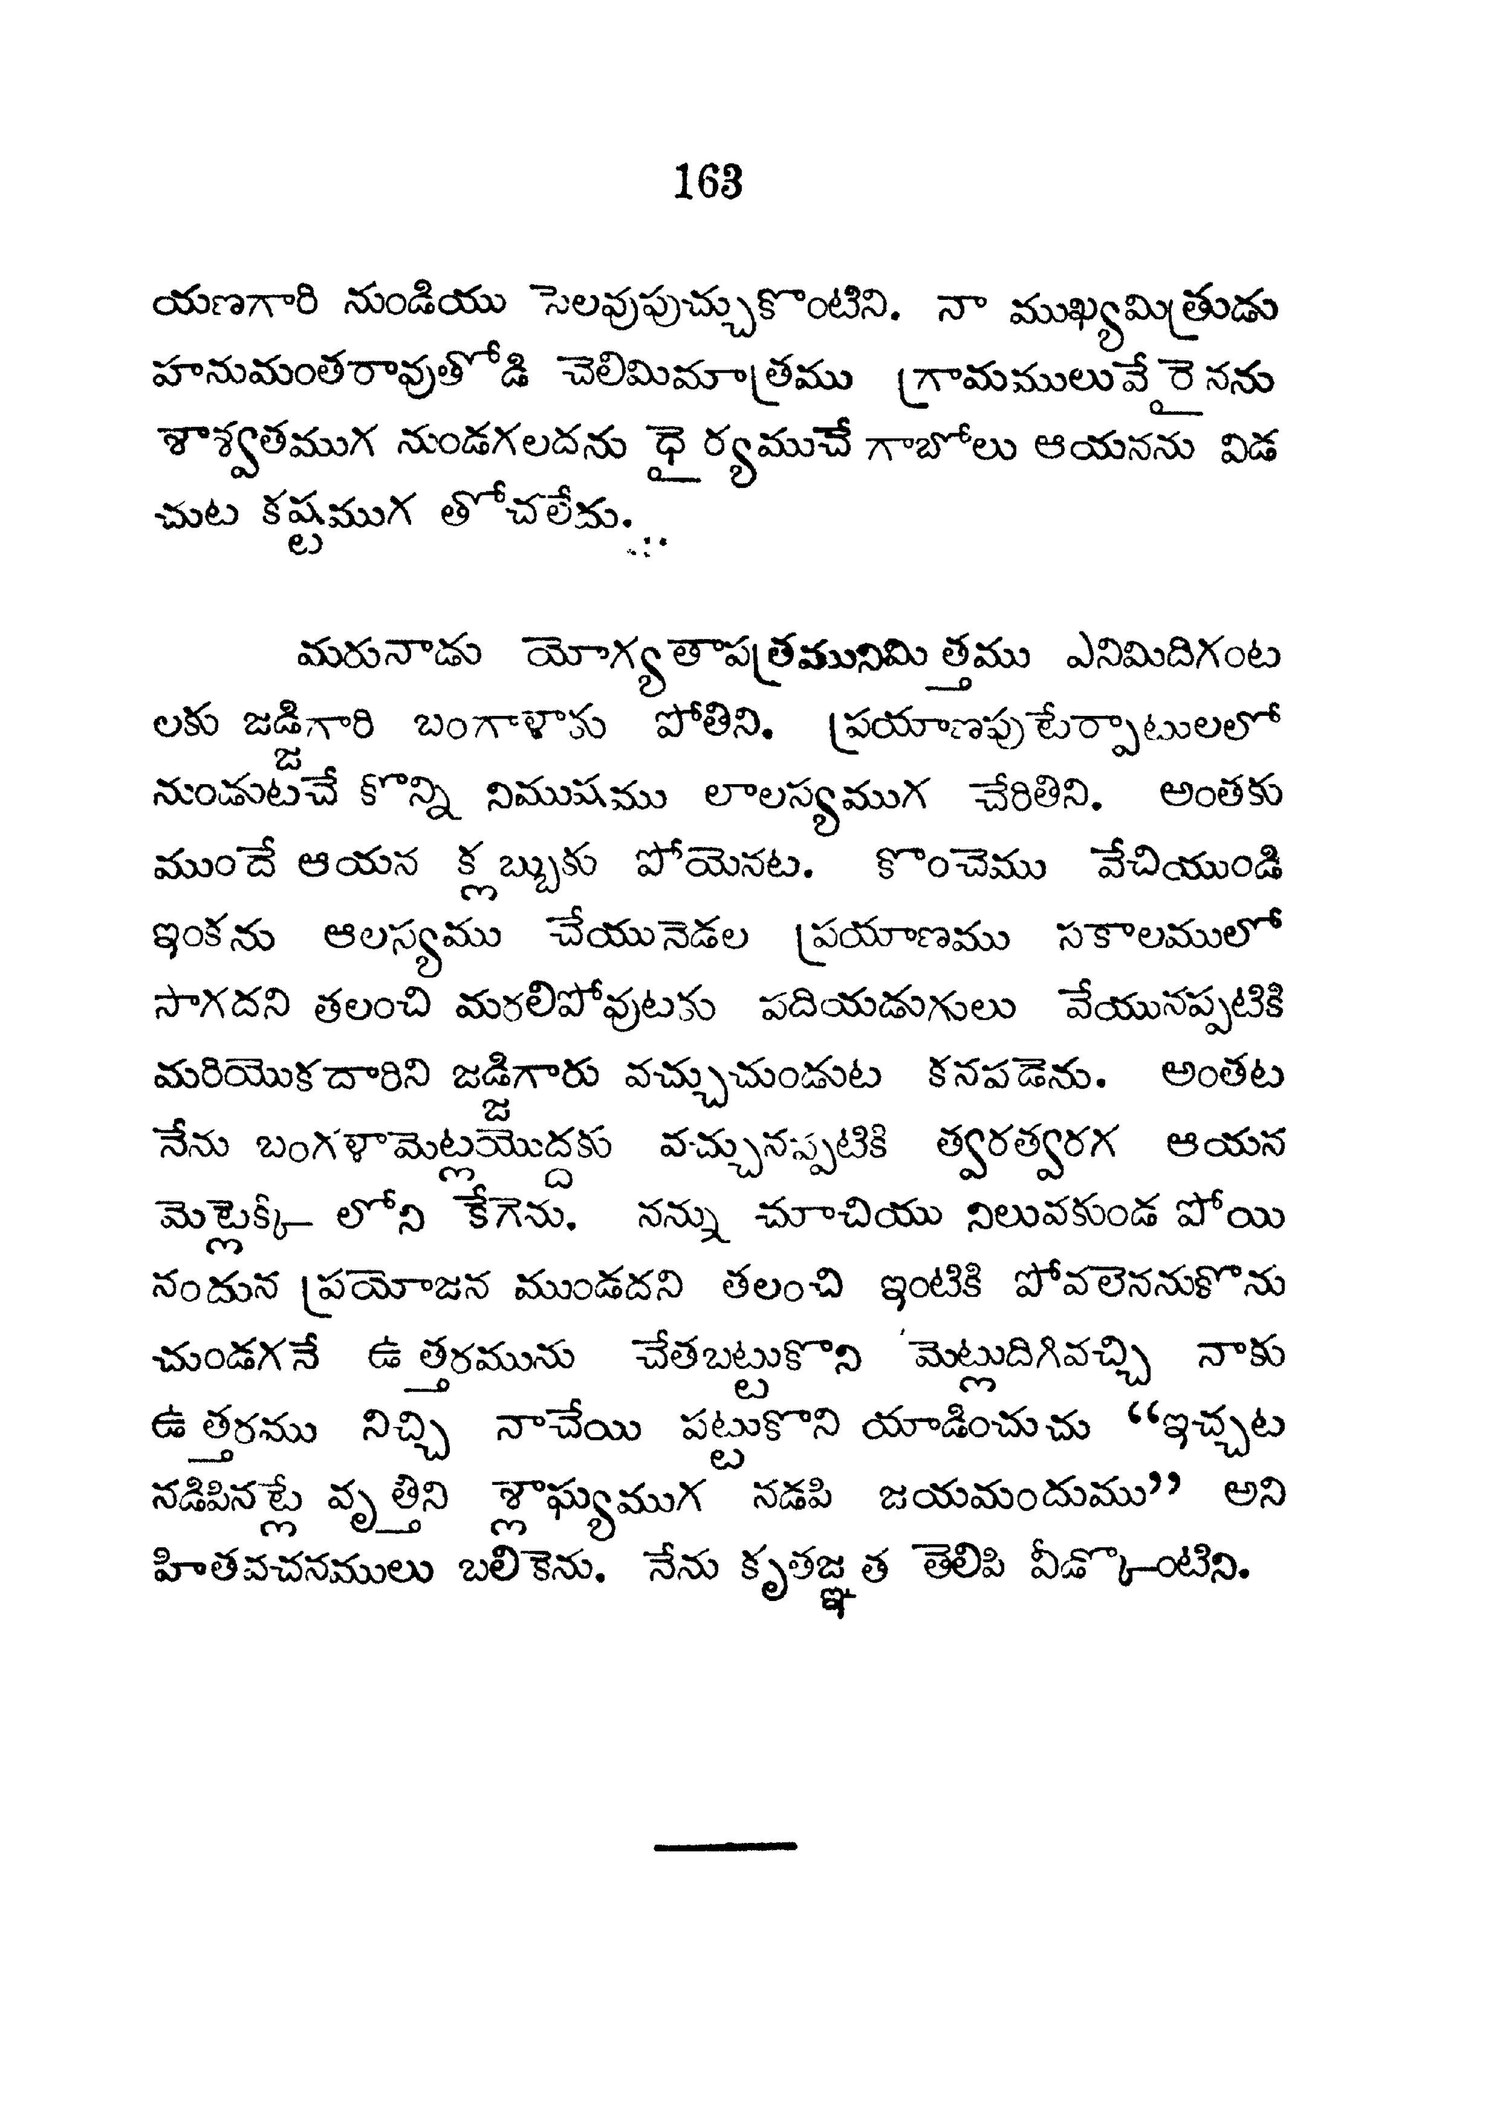యణగారి నుండియు సెలవుపుచ్చుకొంటిని. నా ముఖ్యమిత్రుడు హనుమంతరావుతోడి చెలిమిమాత్రము గ్రామములువేరైనను శాశ్వతముగ నుండగలదను ధైర్యముచే గాబోలు ఆయనను విడచుట కష్టముగ తోచలేదు. 

మరునాడు యోగ్యతాపత్రమునిమిత్తము ఎనిమిదిగంటలకు జడ్జిగారి బంగాళాకు పోతిని. ప్రయాణపుటేర్పాటులలో నుండుటచే కొన్ని నిముషము లాలస్యముగ చేరితిని. అంతకు ముందే ఆయన క్లబ్బుకు పోయెనట. కొంచెము వేచియుండి ఇంకను ఆలస్యము చేయునెడల ప్రయాణము సకాలములో సాగదని తలంచి మరలిపోవుటకు పదియడుగులు వేయునప్పటికి మరియొకదారిని జడ్జిగారు వచ్చుచుండుట కనపడెను. అంతట నేను బంగళామెట్లయొద్దకు వచ్చునప్పటికి త్వరత్వరగ ఆయన మెట్లెక్కి లోని కేగెను. నన్ను చూచియు నిలువకుండ పోయినందున ప్రయోజన ముండదని తలంచి ఇంటికి పోవలెననుకొనుచుండగనే ఉత్తరమును చేతబట్టుకొని మెట్లుదిగివచ్చి నాకు ఉత్తరము నిచ్చి నాచేయి పట్టుకొని యాడించుచు "ఇచ్చట నడిపినట్లే వృత్తిని శ్లాఘ్యముగ నడపి జయమందుము" అని హితవచనములు బలికెను. నేను కృతజ్ఞాత తెలిపి వీడ్కొంటిని.

____________